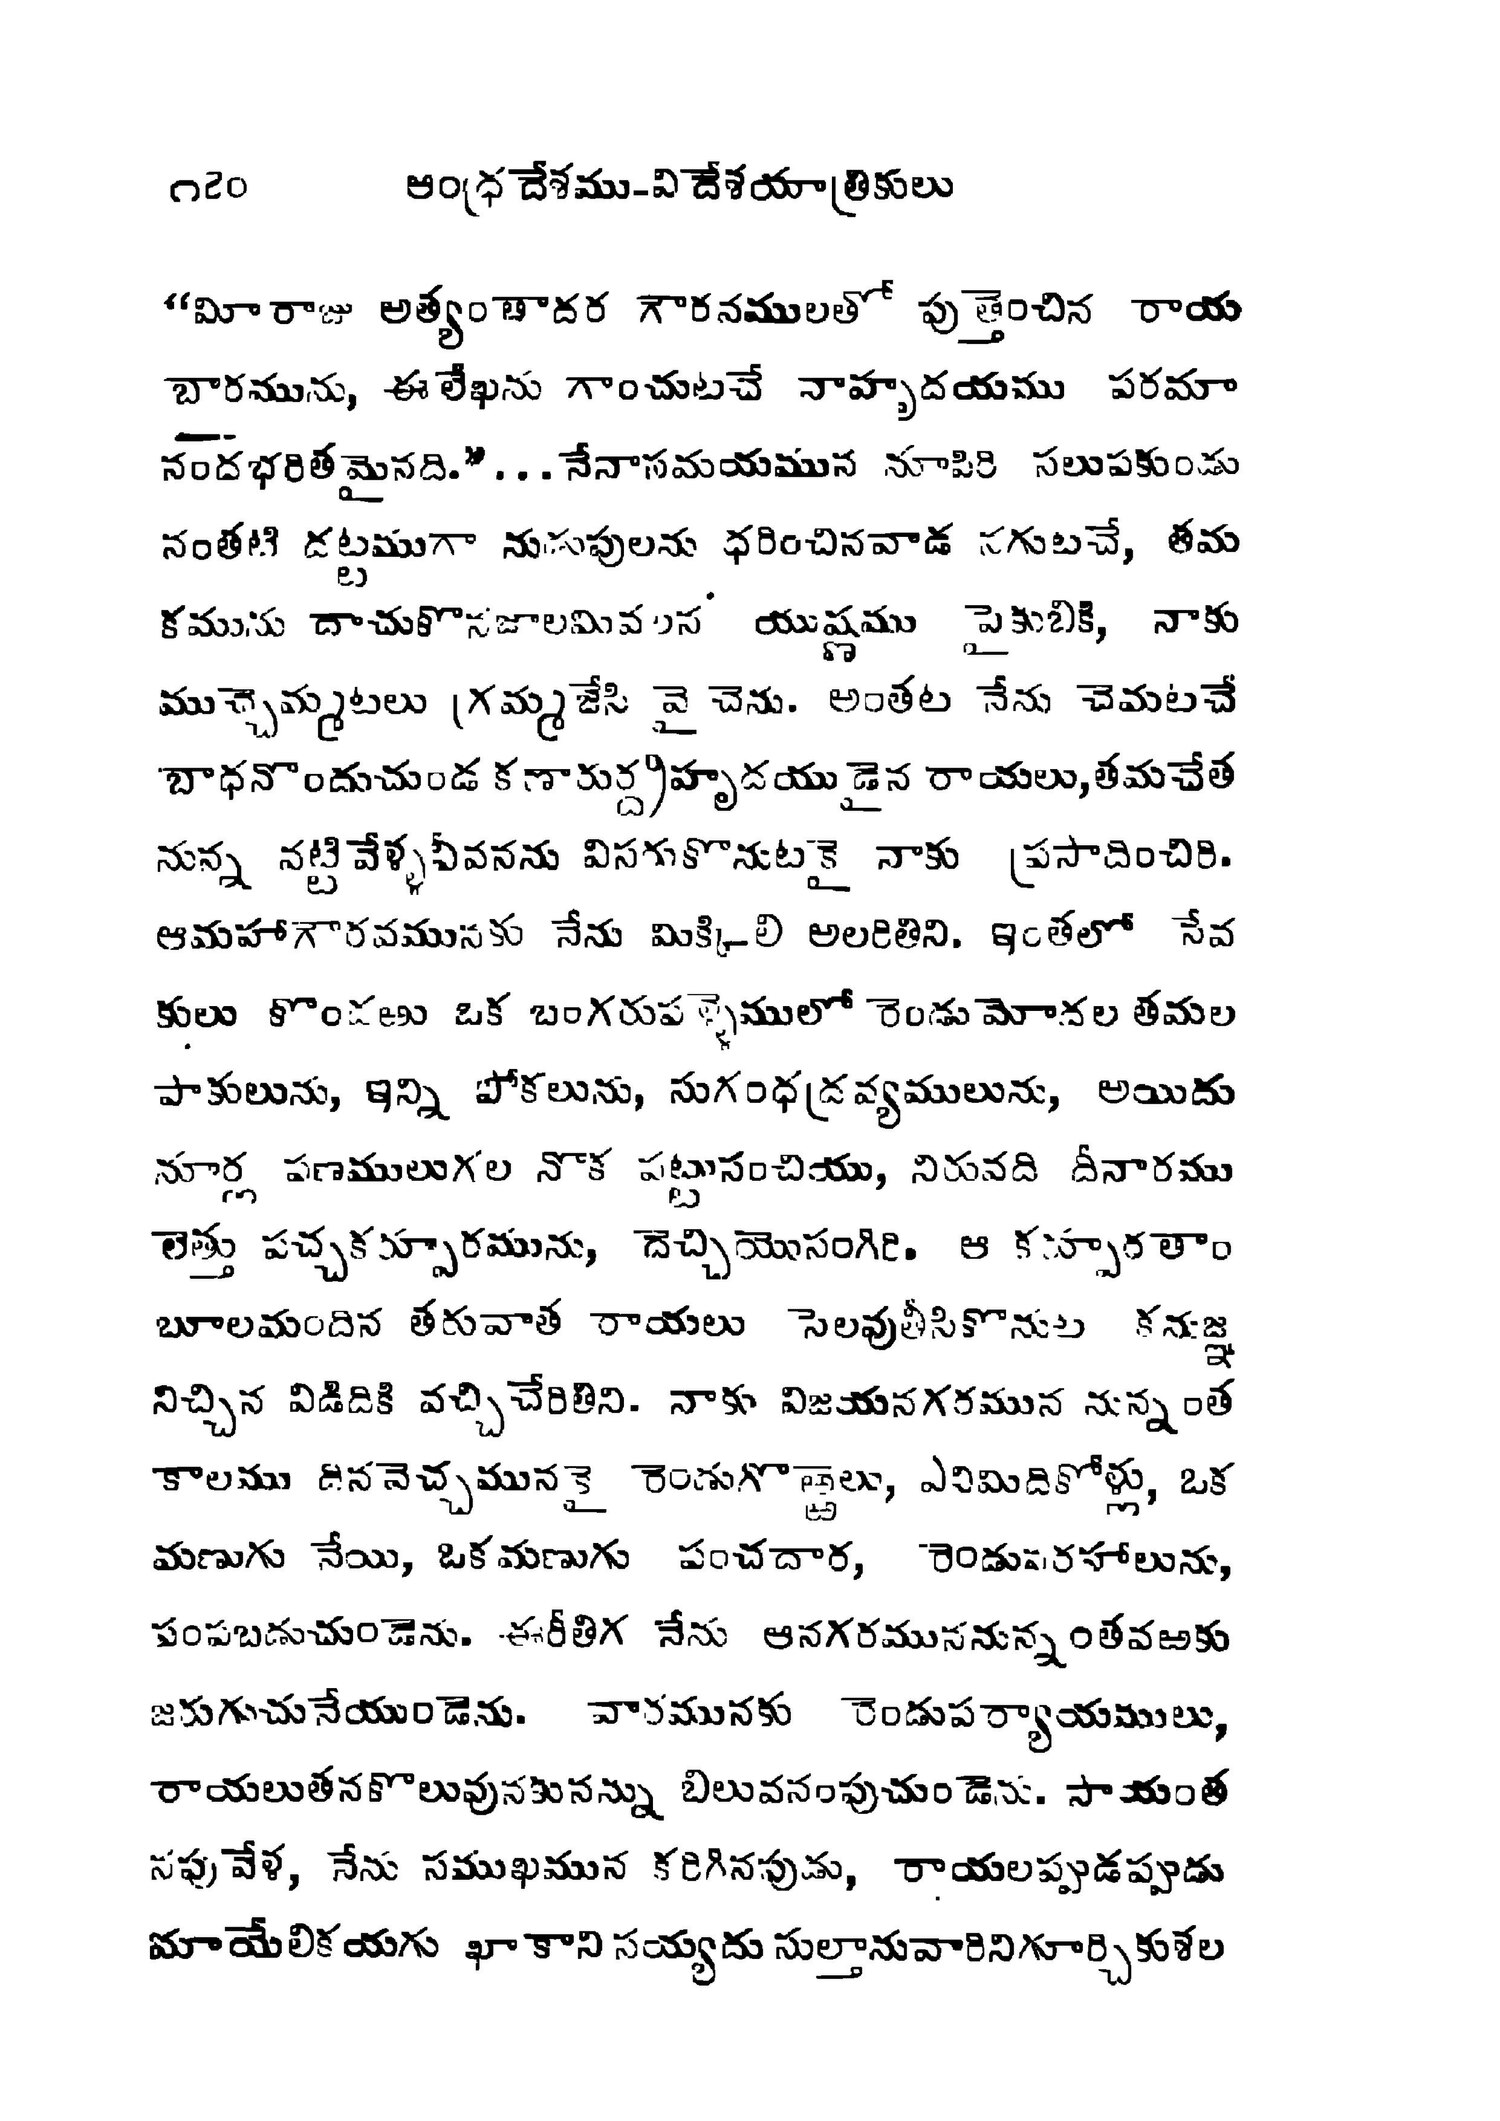"మీరాజు అత్యంతాదర గౌరవములతో పుత్తెంచిన రాయబారమును, ఈలేఖను గాంచుటచే నాహృదయము పరమానందభరితమైనది."...నేనాసమయమున నూపిరి సలుపకుండునంతటి దట్టముగా నుడుపులను ధరించినవాడ నగుటచే, తమకమును దాచుకొనజాలమి వలన యుష్ణము పైకుబికి, నాకు ముచ్చెమ్మటలు గ్రమ్మజేసి వైచెను. అంతట నేను చెమటచే బాధనొందు చుండ కరుణార్ద్ర హృదయుడైన రాయలు, తమచేత నున్న వట్టివేళ్ళవీవనను విసరుకొనుటకై నాకు ప్రసాదించిరి. ఆమహా గౌరవమునకు నేను మిక్కిలి అలరితిని. ఇంతలో సేవకులు కొందఱు ఒక బంగరు పళ్ళెములో రెండుమోదల తమలపాకులును, ఇన్ని పోకలును, సుగంధ ద్రవ్యములును, అయిదు నూర్ల పణములగల నొక పట్టుసంచియు, నిరువది దీనారము లెత్తు పచ్చకర్పూరమును, దెచ్చియొసంగిరి. ఆ కర్పూరతాంబూల మందిన తరువాత రాయలు సెలవు తీసికొనుట కనుజ్ఞ నిచ్చిన విడిదికి వచ్చిచేరితిని. నాకు విజయనగరమున నున్నంతకాలము దినవెచ్చమునకై రెండుగొఱ్ఱెలు, ఎనిమిదికోళ్లు, ఒక మణుగు నేయి, ఒకమణుగు పంచదార, రెండువరహాలును, పంపబడుచుండెను. ఈరీతిగ నేను ఆనగరముననున్నంత వఱకు జరుగుచునే యుండెను. వారమునకు రెండుపర్యాయములు, రాయలుతనకొలువునకునన్ను బిలువనంపుచుండెను. సాయంతనపువేళ, నేను సముఖమున కరిగినపుడు, రాయలప్పుడప్పుడు మాయేలికయగు ఖాకాని సయ్యదు సుల్తాను వారినిగూర్చికుశల